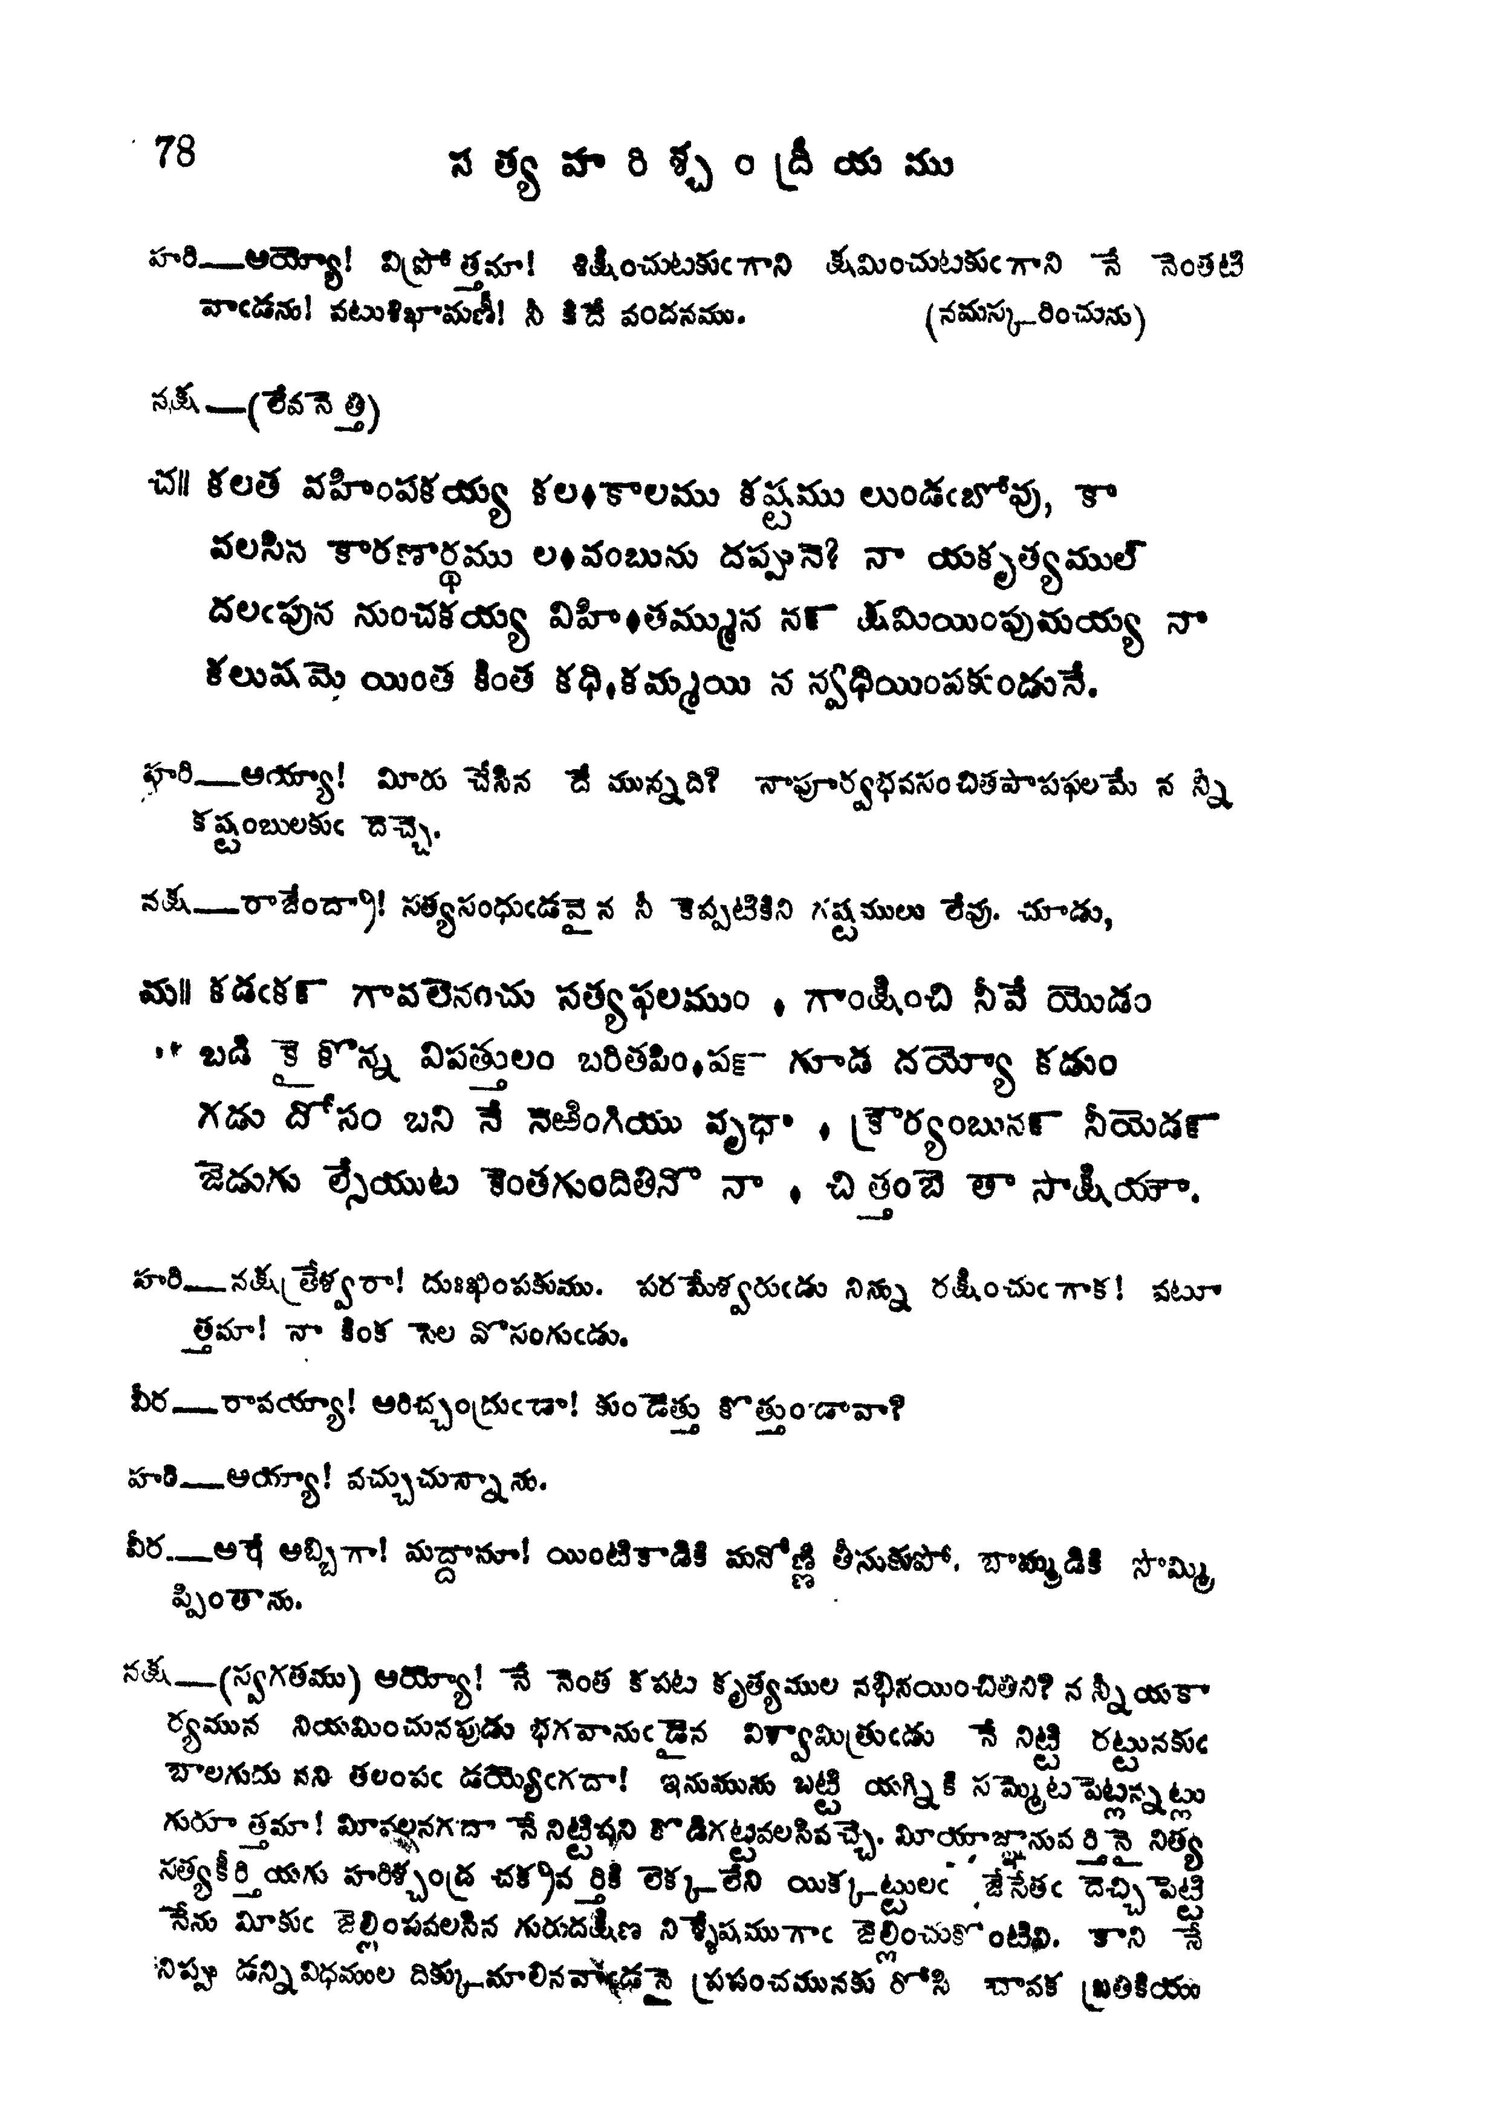హరి: 	అయ్యో, విప్రోత్తమా! శిక్షించుటకుఁ గాని, క్షమించుటకుఁ గాని నేనెంతటి వాఁడను. వటుశిఖామణీ! నీకిదే వందనము. (నమస్కరించును)

నక్ష: 	
(లేవనెత్తి)

చ. 	కలతఁ వహింపకయ్య కల కాలము కష్టము లుండబోవు కా
వలసిన కారణార్థము లవంబును దప్పునె? నా యకృత్యముల్‌
దలఁపున నుంచకయ్య విహితమ్ము ననున్‌ క్షమింపుమయ్య, నా
కలుషమె యింత కింత కధికమ్మయి నన్వధియింపకుండునే?

హరి: 	అయ్యా! మీరు చేసిన దేమున్నది? నా పూర్వభవసంచిత పాపఫలమే నన్నీ కష్టంబులకుఁ దెచ్చె.

నక్ష: 	
రాజేంద్రా! నిత్య సత్య సంధుడవైన నీ కెప్పటికిని గష్టములు లేవు చూడు.

మ. 	కడకన్‌ గావలెనంచు సత్యఫలముం గాంక్షించి నీవే యొడం
బడి కైకొన్న విపత్తులం బరితపిం పన్‌ గూడదయ్యా కడుం
గడుదోసంబని నేనెఱింగియు వృథా క్రౌర్యంబునన్‌ నీ యెడన్‌
జెడుగు ల్సేయుట కెంత గుందితినొ నాచిత్తంబె తా సాక్షియౌ!

హరి: 	నక్షత్రేశ్వరా! దుఃఖింపకుము, పరమేశ్వరుఁడు నిన్ను రక్షించుగాక. వటూత్తమా! నాకింక సెలవొసంగుఁడు.

వీర: 	రావయ్యా! అరిశ్చంద్రుఁడా! కుండెత్తుకుంటావా!

హరి: 	అయ్యా, వచ్చుచున్నాను.

వీర: 	అరే అబ్బిగా! మద్దాసూ! ఇంటికాడికి మనోణ్ని తీసుకుపో, బామ్మడికి సొమ్మిప్పిస్తాను.

నక్ష: 	
(స్వ) అయ్యో! నేనెంత కపట కృత్యముల నభినయించితిని? నన్నీ యకార్యమునకు
నియమించునపుడు భగవానుడైన విశ్వామిత్రుడు నేనిట్టి రట్టునకు
బాలగుదునని తలంపడయ్యె గదా! ఇనుమును బట్టి యగ్నికి సమ్మెట పెట్టనట్లే
గురూత్తమా! మీ వలన గదా నేనిట్టిపని కొడిగట్టవలసి వచ్చె.
మీ యాజ్ఞానువర్తినై నిత్యసత్యకీర్తి యగు హరిశ్చంద్ర చక్రవర్తికి లెక్కలేని
యిక్కట్టులఁ జేచేతఁ దెచ్చిపెట్టి నేను మీఁకు జెల్లించవలసిన గురుదక్షిణ
నిశ్శేషముగా జెల్లించు కొంటిని గాని నేనిప్పుడన్ని విధముల దిక్కుమాలిన
వాఁడనై ప్రపంచమునకు రోసి చావక బ్రతికియు